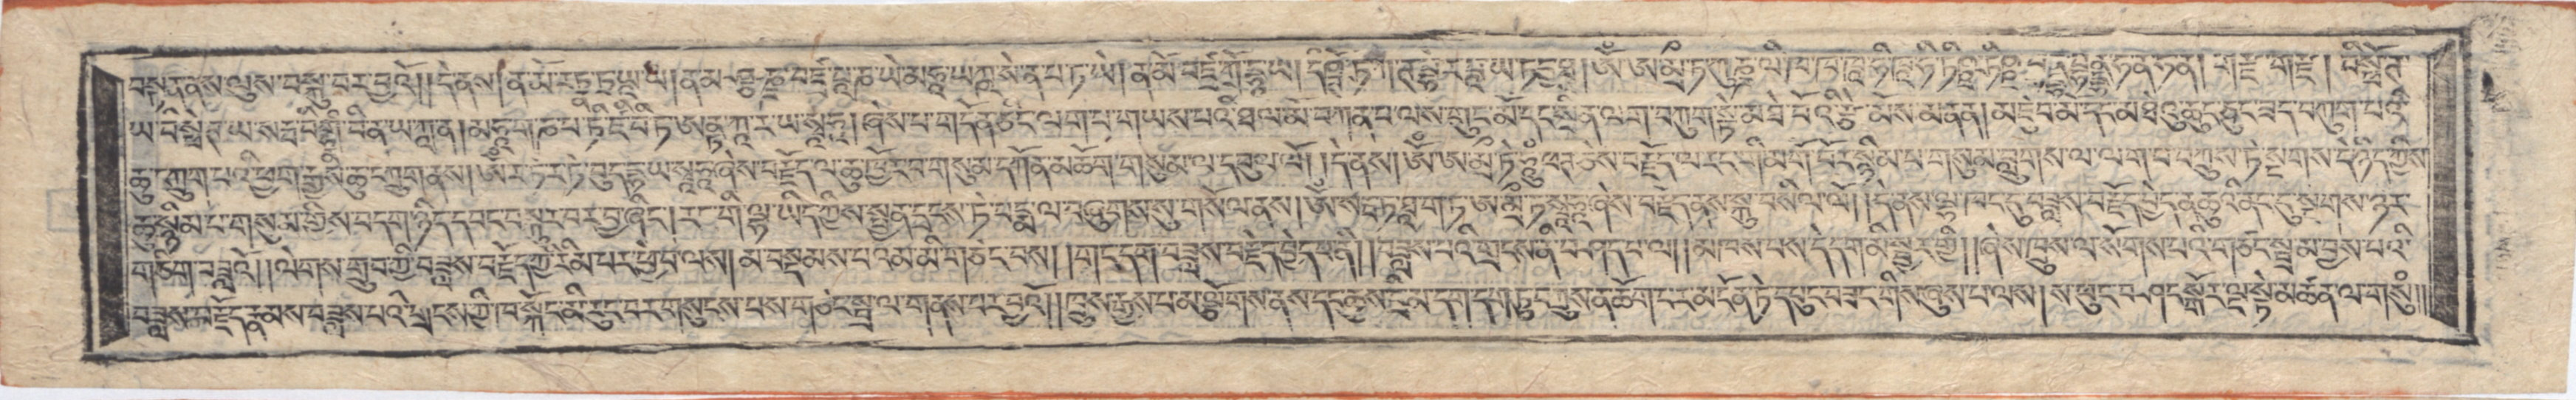བསྟན་ནས་ལུས་བསྐུ་བར་བྱའོ། །དེ་ནས། ན་མོ་རཏྣ་ཏྲ་ཡཱ་ཡ། ན་མ་ཤྩ་ཎྜ་བཛྲ་པཱ་ཎ་ཡེ་མཧཱ་ཡཀྵ་སེ་ན་པ་ཏ་ཡེ། ན་མོ་བཛྲ་ཀྲོ་དྷཱ་ཡ། དིཤྚོ་ཏ་ཀ་ཊ་བྷེ་ར་བཱ་ཡ་ཏདྱ་ཐཱ། ཨོཾ་ཨ་མྲྀ་ཏ་ཀུཎྜ་ལི་ཁ་ཁ་ཁཱ་ཧི་ཁཱ་ཧི་ཏིཥཊཿཨ་ཏི་ཥཊཿཨ་བྷནྡྷ་བྷནྡྷ་ཧ་ན་ཧ་ན། གྲྫ་གྲྫ། བིསྥོ་ཊ་
ཡ་བི་སྥེཊ་ཡ་སརྦ་བིགྷྣཾ་བི་ན་ཡ་ཀཱ་ན། མཧཱ་ག་ཎ་པ་ཏི་ཛི་བི་ཏ་ཨནྟ་ཀཱ་ར་ཡ་སྭཱཧཱ། ཞེས་པ་གདོན་ཅིང་ལག་པ་གཡས་པའི་ཐལ་མོ་བཀན་པ་ལས་གུང་མོ་དང་སྲིན་ལག་བཀུག་སྟེ་མཐེ་བོའི་རྩེ་མོས་མནན། མཛུབ་མོ་དང་མཐེའུ་ཆུང་ཅུང་ཟད་བཀུག་པའི་
ཆུ་དཀྲུག་པའི་ཕྱག་རྒྱས་ཆུ་དཀྲུག་ནས། ཨོཾ་ར་ཏེ་ར་ཏེ་བུད་དྷ་ཡ་སྭཱཧཱ་ཞེས་བརྗོད་ལ་ཆུ་ཁྱོར་བ་གསུམ་དཀོན་མཆོག་གསུམ་ལ་དབུལ་ལོ། །དེ་ནས། ཨོཾ་ཨ་མྲྀ་ཏེ་ཧཱུཾ་ཕཊ་ཅེས་བརྗོད་ལ་རང་གི་མགོ་བོར་སྙིམ་པ་གསུམ་བླུགས་ལ་ལག་པ་བཀྲུས་ཏེ་སྔགས་དེ་ཉིད་ཀྱིས་
ཆུ་སྙིམ་པ་གསུམ་གྱིས་བདག་ཉིད་དབང་བསྐུར་བར་བྱ་ཞིང་། རང་གི་ལྷ་ཡིད་ཀྱིས་སྤྱན་དྲངས་ཏེ་པདམ་ལ་བཞུགས་སུ་གསོལ་ནས། ཨོཾ་སརྦ་ཏ་ཐཱ་ག་ཏ་ཨ་མྲྀ་ཏ་སྭཱཧཱ་ཞེས་བརྗོད་ནས་སྐུ་བསིལ་ལོ། །དེ་ནས་ལྷ་ཁང་དུ་བཟླས་བརྗོད་བྱེད་ན་ཆུའི་ནང་དུ་སྔགས་ཉེར་
གཅིག་བཟླའོ། །ལེགས་གྲུབ་ཀྱི་བཟླས་བརྗོད་ཀྱི་རིམ་པར་ཕྱེ་བ་ལས། མ་བསྡམས་པའམ་མི་གཙང་བས། །གང་དག་བཟླས་བརྗོད་བྱེད་པ་ནི། །བཟླས་པའི་གྲངས་ནི་བཤད་པ་ལ། །མཁས་པས་དེ་དག་མི་སྦྱར་གྱི། །ཞེས་ཁྲུས་ལ་སོགས་པའི་གཙང་སྦྲ་མ་བྱས་པའི་
བཟླས་བརྗོད་རྣམས་བཟླས་པའི་གྲངས་ཀྱི་ཁ་སྐོང་མི་རུང་བར་གསུངས་པས་གཙང་སྦྲལ་གནས་པར་བྱའོ། །ཁྲུས་རྒྱས་པ་མ་ལྕོགས་ནས་དང་ཆུས་དྲི་མ་དག་དག་ཏུ་བཀྲུས་ན་ཆོག་ངར?་མངོན་ཏེ་དཔུང་བཟང་གིས་ཞུས་པ་ལས། ས་ཕུང་བཤང་སྒོར་ལྔ་སྟེ་མཚན་ལ་གསུཾ།།